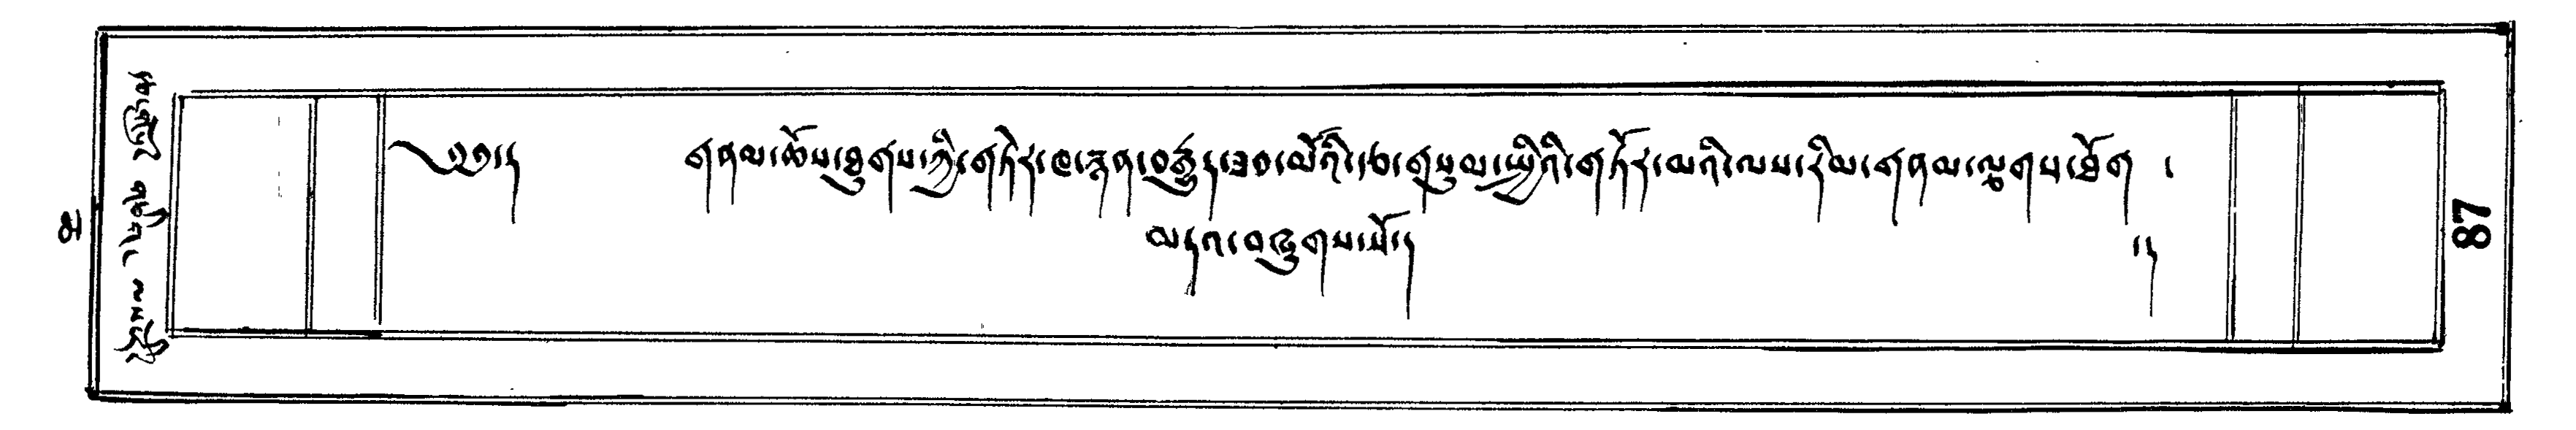༄༅། གནམ་ཆོས་ཐུགས་ཀྱི་གཏེར་ཁ་སྙན་བརྒྱུད་ཟབ་མོའི་རྩ་གསུམ་སྤྱིའི་གཏོར་མའི་ལས་རིམ་གནམ་ལྕགས་ཐོག་
མདའ་བཞུགས་སོ།།